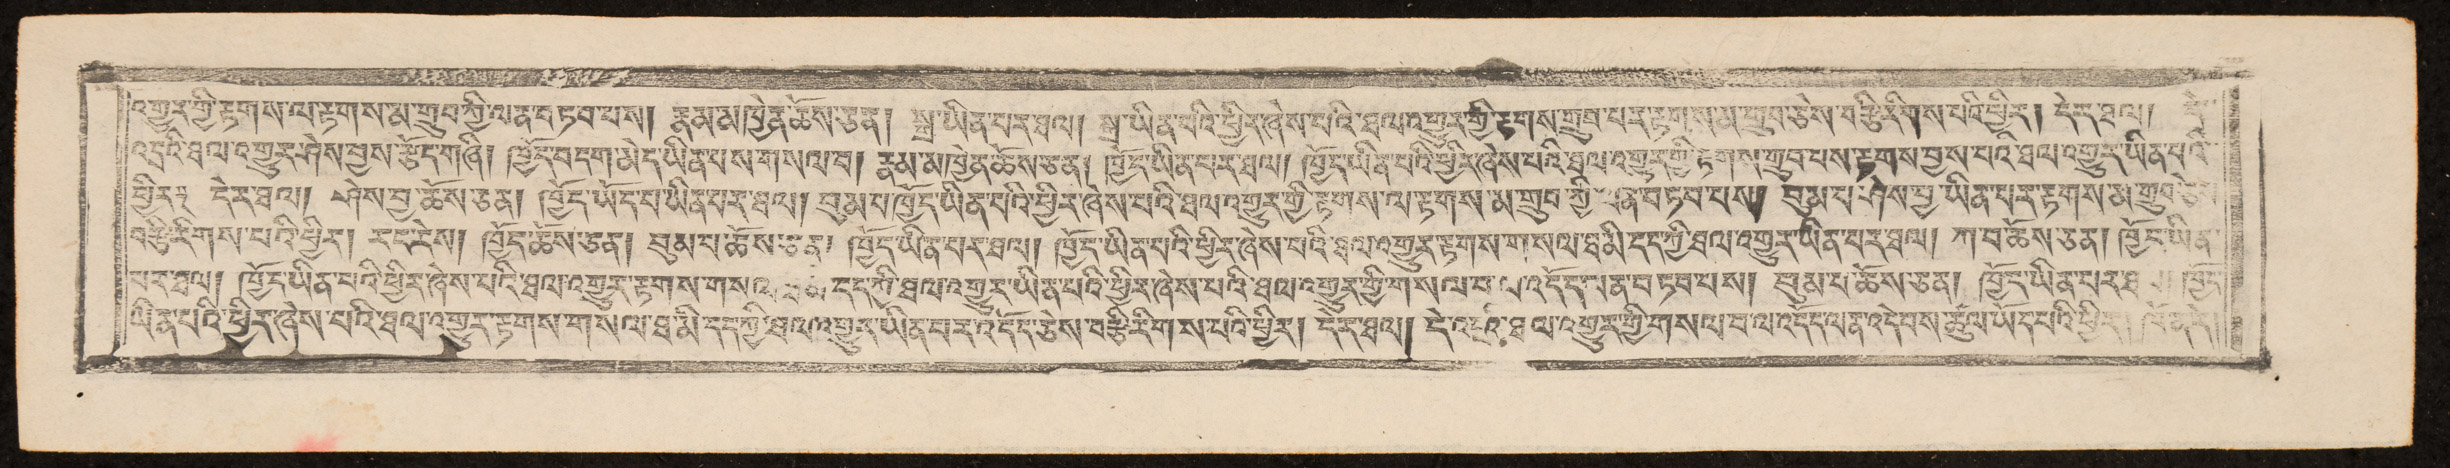འགྱུར་གྱི་རྟགས་ལ་རྟགས་མ་གྲུབ་ཀྱི་ལན་བཏབ་པས། རྣམ་མཁྱེན་ཆོས་ཅན། སྒྲ་ཡིན་པར་ཐལ། སྒྲ་ཡིན་པའི་ཕྱིར་ཞེས་པའི་ཐལ་འགྱུར་གྱི་རྟགས་གྲུབ་པར་རྟགས་མ་གྲུབ་ཅེས་བརྩི་རིགས་པའི་ཕྱིར། དེར་ཐལ། དེ་
འདྲའི་ཐལ་འགྱུར་ཤེས་བྱས་རྩོད་གཞི། ཁྱོད་བདག་མེད་ཡིན་པས་གསལ་བ། རྣམ་མཁྱེན་ཆོས་ཅན། ཁྱོད་ཡིན་པར་ཐལ། ཁྱོད་ཡིན་པའི་ཕྱིར་ཞེས་པའི་ཐལ་འགྱུར་གྱི་རྟགས་གྲུབ་པས་རྟགས་བྱས་པའི་ཐལ་འགྱུར་ཡིན་པའི་
ཕྱིར། དེར་ཐལ། ཤེས་བྱ་ཆོས་ཅན། ཁྱོད་ཡོད་པ་ཡིན་པར་ཐལ། བུམ་པ་ཁྱོད་ཡིན་པའི་ཕྱིར་ཞེས་པའི་ཐལ་འགྱུར་གྱི་རྟགས་ལ་རྟགས་མ་གྲུབ་ཀྱི་ལན་བཏབ་པས། བུམ་པ་ཤེས་བྱ་ཡིན་པར་རྟགས་མ་གྲུབ་ཅེས་
བརྩི་རིགས་པའི་ཕྱིར། རང་རེས། ཁྱོད་ཆོས་ཅན། བུམ་པ་ཆོས་ཅན། ཁྱོད་ཡིན་པར་ཐལ། ཁྱོད་ཡིན་པའི་ཕྱིར་ཞེས་པའི་ཐལ་འགྱུར་རྟགས་གསལ་ཐ་མི་དད་ཀྱི་ཐལ་འགྱུར་ཡིན་པར་ཐལ། ཀ་བ་ཆོས་ཅན། ཁྱོད་ཡིན་
པར་ཐལ། ཁྱོད་ཡིན་པའི་ཕྱིར་ཞེས་པའི་ཐལ་འགྱུར་རྟགས་གསལ་ཐ་མི་དད་ཀྱི་ཐལ་འགྱུར་ཡིན་པའི་ཕྱིར་ཞེས་པའི་ཐལ་འགྱུར་གྱི་གསལ་བ་ལ་འདོད་ལན་བཏབ་པས། བུམ་པ་ཆོས་ཅན། ཁྱོད་ཡིན་པར་ཐལ། ཁྱོད་
ཡིན་པའི་ཕྱིར་ཞེས་པའི་ཐལ་འགྱུར་རྟགས་གསལ་ཐ་མི་དད་ཀྱི་ཐལ་འགྱུར་ཡིན་པར་འདོད་ཅེས་བརྩི་རིགས་པའི་ཕྱིར། དེར་ཐལ། དེ་འདྲའི་ཐལ་འགྱུར་གྱི་གསལ་བ་ལ་འདོད་ལན་འདེབས་ཚུལ་ཡོད་པའི་ཕྱིར། ཁོ་ན་རེ།